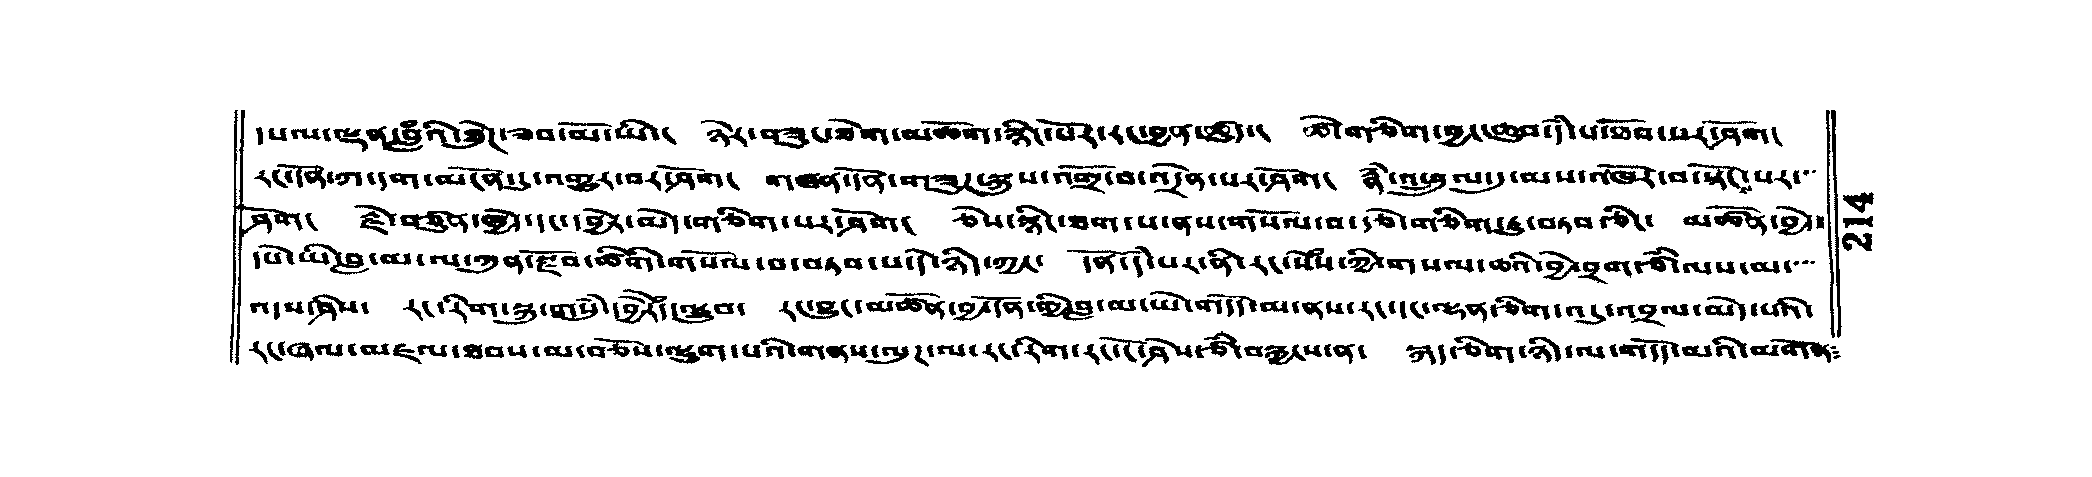།དཔལ་ལྡན་བླ་མའི་ཐུགས་རྗེ་ཟབ་མོ་ཡི། །ཉེར་བཟུང་ཐེག་མཆོག་སྙིང་པོར་རང་བྱན་ཚུད། །ཚེ་གཅིག་བྱང་ཆུབ་དམ་པ་ཐོབ་པར་ཤོག །
རང་དོན་ཀ་དག་མངོན་དུ་འགྱུར་བར་ཤོག།གཞན་དོན་གཟུགས་སྐུས་འགྲོ་བ་འདྲེན་པར་ཤོག །རྣམ་འཕྲུལ་དུ་མས་འཁོར་བ་སྟོངས་པར་
ཤོག །རྗེ་བཙུན་ཁྱེད་དང་དབྱེར་མེད་གཅིག་པར་ཤོག ཅེས་སྙིང་ཐག་པ་ནས་གསོལ་བ་རྩེ་གཅིག་ཏུ་བཏབ་ཅིང་། མཚོན་བྱེད་
དཔེ་ཡི་བླ་མ་ལ་ཀུན་རྫོབ་ཚིག་གི་གསོལ་བ་བཏབ་པ་དེ་ཉིད་ཀྱང་། དོན་དམ་པར་ནི་རང་སེམས་ཀྱི་གསལ་ཆའི་བྱེ་བྲག་ཙམ་ལས་མ་
འདས་ཤིང་། རང་རིག་སྐུ་གསུམ་དབྱེར་མེད་ལྷུན་གྲུབ། རང་བྱུང་མཚོན་བྱ་དོན་གྱི་བླ་མ་ཡེ་གདོད་མ་ནས་རང་དང་ལྷན་ཅིག་འདུ་འབྲལ་མེད་པའི་
རང་ཞལ་མཇལ་ཐབས་མ་བཅོས་ལྷུག་པའི་གནས་ལུགས་ལ་རང་རིག་རང་ངོ་ཤེས་ཙམ་བསྐྱངས་ན། སྐད་ཅིག་ཉིད་ལ་གདོད་མའི་མགོན་